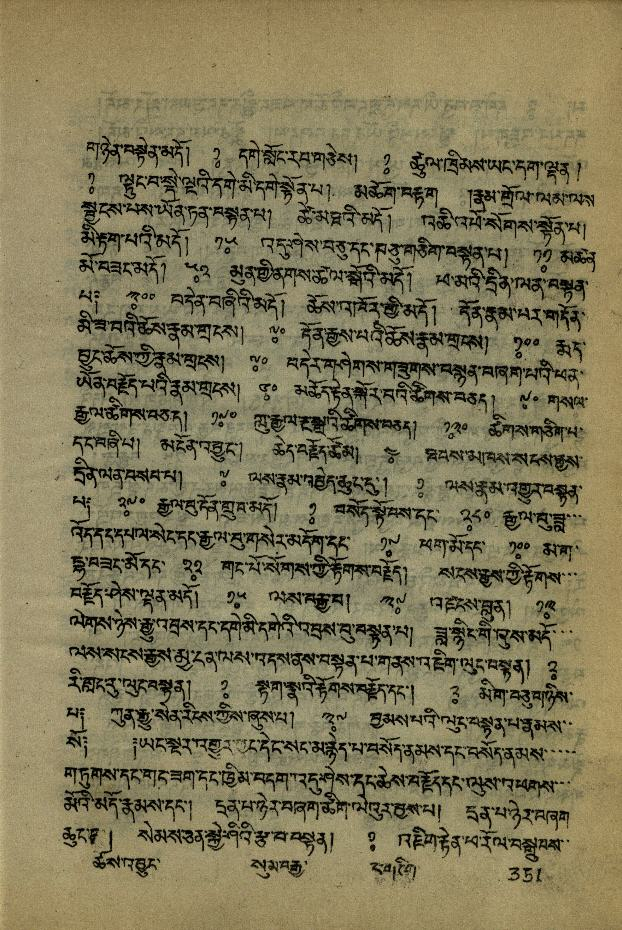གཉེན་བསྟེན་མདོ། ༡་དགེ་སློང་རབ་གཅེས། ༡་ཚུལ་ཁྲིམས་ཡང་དག་ལྡན།
༡་ལྟུང་བ་སྡེ་ལྔའི་དགེ་མི་དགེ་སྟོན་པ། མཆོག་བརྟག །རྣམ་གྲོལ་ལམ་ལས་
སྦྱངས་པས་ཡོན་ཏན་བསྟན་པ། ཚེ་མཐའི་མདོ། འཆི་འཕོ་སོགས་སྟོན་པ།
མི་རྟག་པའི་མདོ། ༡༥་འདུ་ཤེས་བཅུ་དང་བཅུ་གཅིག་བསྟན་པ། ༡༡་མཚན་
མོ་བཟང་མདོ། ༥༢་མུན་གྱི་ནགས་ཚལ་སྒོའི་མདོ། ཕ་མའི་དྲིན་ལན་བསྟན་
པ༑ ༢༠༠་བདེན་བཞིའི་མདོ། ཆོས་འཁོར་གྱི་མདོ། དོན་རྣམ་པར་གདོན་
མི་ཟ་བའི་ཆོས་རྣམ་གྲངས། ༩༠་བདེར་གཤེགས་གཟུགས་བསྙན་བཞག་པའི་ཕན་
ཡོན་བརྗོད་པའི་རྣམ་གྲངས། ༦༠་བདེར་གཤེགས་གཟུགས་བསྙན་བཞག་པའི་ཕན་
རྒྱལ་ཚིགས་བཅད། ༡༧༠་ཀླུ་རྒྱལ་རྔ་སྒྲའི་ཚིགས་བཅད། ༡༣༠་ཚིགས་གཅིག་པ་
དང་བཞི་པ། མངོན་འབྱུང་། ཆེད་བརྗོད་ཚོམ། ༤་ཐབས་མཁས་སངས་རྒྱས་
དྲིན་ལས་བསབ་པ། ༧་ལས་རྣམ་འབྱེད་ཆུང་དུ། ༡་ལས་རྣམ་འགྱུར་བསྟན་
པ༑ ༢༧༠་རྒྱལ་བུ་དོན་གྲུབ་མདོ། ༡་བསོད་སྟོབས་དང་། ༢༨༠་རྒྱལ་བུ་ཟླ་
འོད་དང་དཔལ་སེང་དང་རྒྱལ་བུ་གསེར་མདོག་དང ༡༧་ཕག་མོ་དང ༡༠༠་མག་
དྷ་བཟང་མོ་དང ༢༢་གང་པོ་སོགས་ཀྱི་རྟོགས་བརྗོད། སངས་རྒྱས་ཀྱི་རྟོགས་
བརྗོད་ཤེས་ལྡན་མདོ། ༡༥་ལས་བརྒྱ་བ། ༣༧་འཛངས་བླུན། ༡༣
ལེགས་ཉེས་རྒྱུ་འབྲས་དང་དགེ་མི་དགེའི་འབྲས་བུ་བསྟན་པ། ཟླ་སྙིང་གི་ཞུས་མདོ་
ལས་སངས་རྒྱས་མྱ་ངན་ལས་འདས་ནས་བསྟན་པ་གནས་འཇིག་ལུང་བསྟན། ༢
རི་གླང་རུ་ལུང་བསྟན། ༡་སྟག་སྣའི་རྟོགས་བརྗོད་དང་། ༢ར་མིག་བཅུ་གཉིས་
པ༑ ཀུན་རྒྱུ་སེན་རིངས་ཀྱིས་ཞུས་པ། ༣༧་བྱམས་པའི་ལུང་བསྟན་པ་རྣམས་
སོ༑ ༑ཡང་སྔར་འགྱུར་ཀྱང་དེང་སང་མ་རྙེད་པ་བསོད་ནམས་དང་བསོད་ནམས་
གཏུགས་དང་གང་ཟག་དང་ཁྱིམ་བདག་འདུ་ཤེས་དང་ཆེས་བརྗོད་དང་ལུས་འཕགས་
མོའི་མདོ་རྣམས་དང་། དྲན་པ་ཉེར་བཞག་ཚིག་ལེའུར་བྱས་པ། དྲན་ཨཔ་ཉེར་བཞག་
ཆུང?། སེམས་ཅན་སྐྱེ་ཤིའི་རྩ་བ་བསྟན། ༡་འཇིག་རྟེན་ཕ་རོལ་བསྒྲུབས་